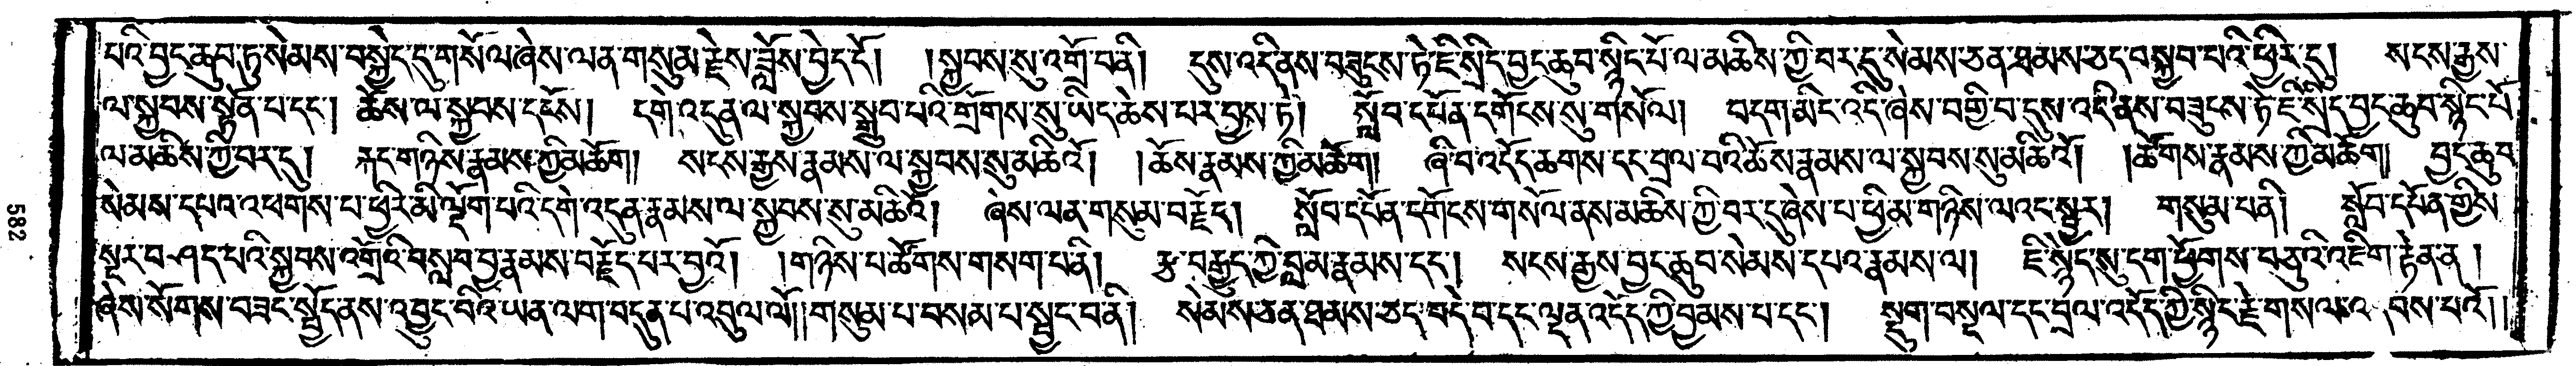པའི་བྱང་ཆུབ་ཏུ་སེམས་བསྐྱེད་དུ་གསོལ་ཞེས་ལན་གསུམ་རྗེས་ཟློས་བྱེད་དོ། །སྐྱབས་སུ་འགྲོ་བ་ནི། དུས་འདི་ནས་བཟུངས་ཏེ་ཇི་སྲིད་བྱང་ཆུབ་སྙིང་པོ་ལ་མཆིས་ཀྱི་བར་དུ་སེམས་ཅན་ཐམས་ཅད་བསྐྱབ་པའི་ཕྱིར་དུ། སངས་རྒྱས་
ལ་སྐྱབས་སྟོན་པ་དང་། ཆོས་ལ་སྐྱབས་དངོས། དགེ་འདུན་ལ་སྐྱབས་སྒྲུབ་པའི་གྲོགས་སུ་ཡིད་ཆེས་པར་བྱས་ཏེ། སློབ་དཔོན་དགོངས་སུ་གསོལ། བདག་མིང་འདི་ཞེས་བགྱི་བ་དུས་འདི་ནས་བཟུངས་ཏེ་ཇི་སྲིད་བྱང་ཆུབ་སྙིང་པོ་
ལ་མཆིས་ཀྱི་བར་དུ། རྐང་གཉིས་རྣམས་ཀྱི་མཆོག། སངས་རྒྱས་རྣམས་ལ་སྐྱབས་སུ་མཆིའོ། །ཆོས་རྣམས་ཀྱི་མཆོག། ཞི་བ་འདོད་ཆགས་དང་བྲལ་བའི་ཆོས་རྣམས་ལ་སྐྱབས་སུ་མཆིའོ། །ཚོགས་རྣམས་ཀྱི་མཆོག། བྱང་ཆུབ་
སེམས་དཔའ་འཕགས་པ་ཕྱིར་མི་ལྡོག་པའི་དགེ་འདུན་རྣམས་ལ་སྐྱབས་སུ་མཆིའོ། ཞེས་ལན་གསུམ་བརྗོད། སློབ་དཔོན་དགོངས་གསོལ་ནས་མཆིས་ཀྱི་བར་དུ་ཞེས་པ་ཕྱི་མ་གཉིས་ལའང་སྦྱར། གསུམ་པ་ནི། སློབ་དཔོན་གྱིས་
སྔར་བཤད་པའི་སྐྱབས་འགྲོའི་བསླབ་བྱ་རྣམས་བརྗོད་པར་བྱའོ། །གཉིས་པ་ཚོགས་གསག་པ་ནི། རྩ་བརྒྱུད་ཀྱི་བླ་མ་རྣམས་དང་། སངས་རྒྱས་བྱང་ཆུབ་སེམས་དཔའ་རྣམས་ལ། ཇི་སྙེད་སུ་དག་ཕྱོགས་བཅུའི་འཇིག་རྟེན་ན།
ཞེས་སོགས་བཟང་སྤྱོད་ནས་འབྱུང་བའི་ཡན་ལག་བདུན་པ་འབུལ་ལོ། །གསུམ་པ་བསམ་པ་སྦྱང་བ་ནི། སེམས་ཅན་ཐམས་ཅད་བདེ་བ་དང་ལྡན་འདོད་ཀྱི་བྱམས་པ་དང་། སྡུག་བསྔལ་དང་བྲལ་འདོད་ཀྱི་སྙིང་རྗེ་གསལ་འདབས་པའོ། །